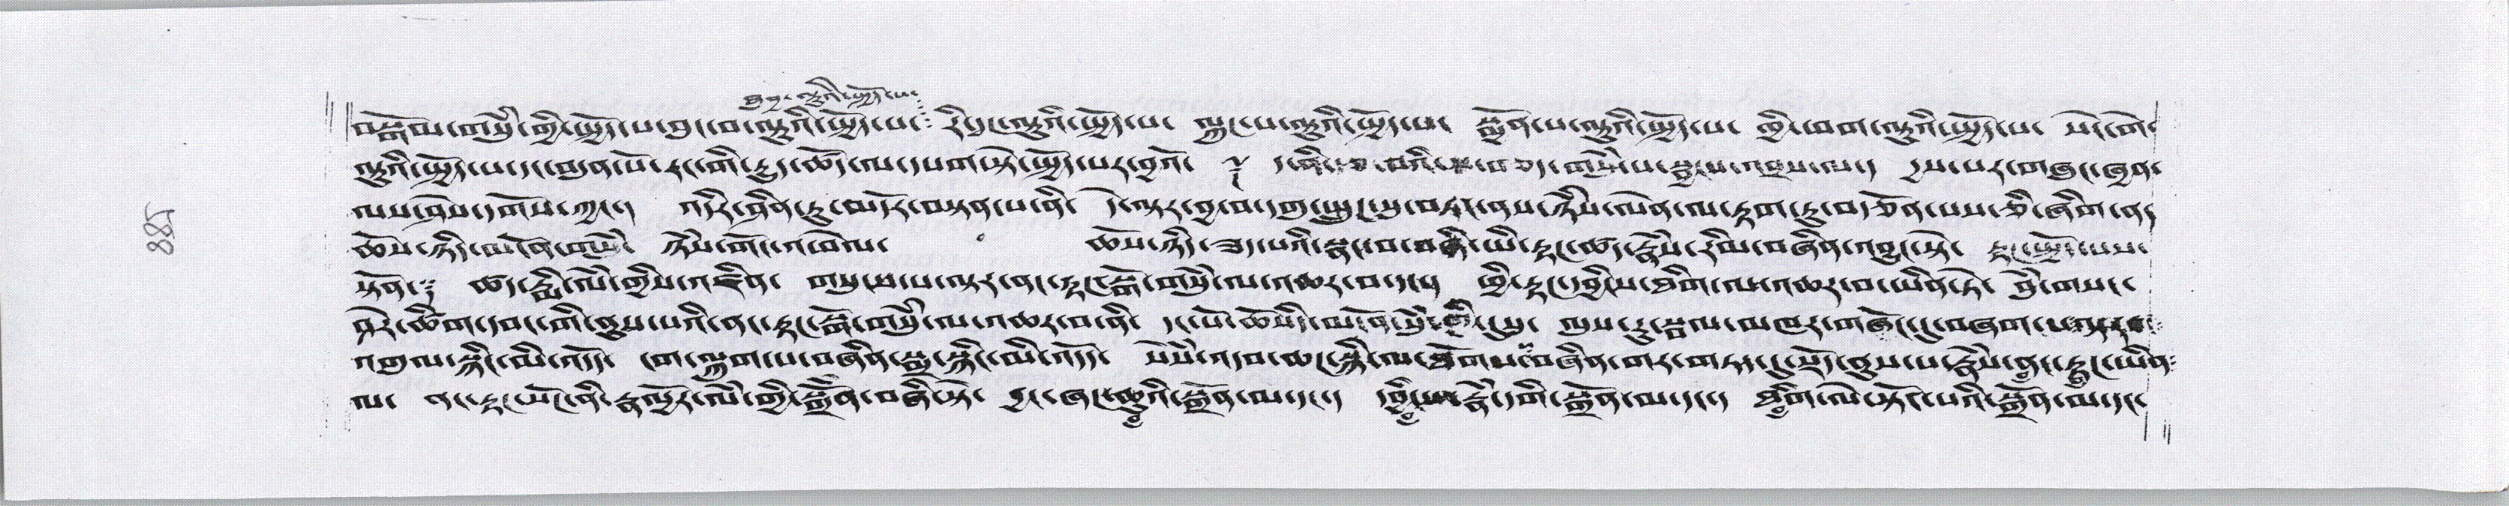སྒོམ་གསུམ་གྱི་སྤྱོད་པ་བུང་བ་ལྟ་བུའི་སྤྱོད་པ། ཆུ་བྱ་ལྟ་བུའི་སྤྱོད་པ། རི་དྭགས་ལྟ་བུའི་སྤྱོད་པ། ལྐུགས་པ་ལྟ་བུའི་སྤྱོད་པ། སྨྱོན་པ་ལྟ་བུའི་སྤྱོད་པ། ཁྱི་ཕག་ལྟ་བུའི་སྤྱོད་པ། སེང་གེ་
ལྟ་བུའི་སྤྱོད་པ་དང་བདུན་པོ་རང་གི་རྒྱུད་ཚོད་ལ་དཔག་སྟེ་སྤྱོད་པར་བྱའོ།། ༧ ད་ནི་རྩ་བའི་ས་བཅད་གསུམ་པ་སྦྱངས་འབྲས་ལ། རྒྱས་པར་གཞུང་གཞན་
ལས་ཤེས་དགོས་ཀྱང་། འདིར་ཤིན་ཏུ་མདོར་བསྟན་པ་ནི། དེ་ལྟར་བྱ་བ་དགུ་སྤྲུགས་སུ་བཏང་ནས་ཉམས་ལེན་ལ་རྟག་ཏུ་བརྩོན་པས་ཅི་ཞིག་ན་
ཆོས་ཉིད་མངོན་སུམ། ཉམས་གོང་འཕེལ། རིག་པ་ཚད་ཕེབས། ཆོས་ཉིད་ཟད་པའི་སྣང་བ་བཞི་ཡི་རྟགས་ཚད་རྣམས་རིམ་བཞིན་འབྱུང་སྟེ་རྟགས་སྤྱོད་པས་
སྟོན། ཚད་རྨི་ལམ་གྱིས་འཛིན། གསུངས་པ་ལྟར་ནང་རྟགས་སྒོ་གསུམ་ལ་འཆར་བ་དང་། ཕྱི་རྟགས་དབྱིངས་ཐིག་ལ་འཆར་བ་ཡིན་ཏེ། བུམ་གསང་
ཤེར་ཚིག་དབང་གི་ནུས་པའི་ནང་རྟགས་སྒོ་གསུམ་ལ་འཆར་བ་ནི། དང་པོ་ཆོས་ཉིད་མངོན་སུམ་གྱི་དུས་སུ། ལུས་རུས་སྦལ་འཁར་གཞོང་དུ་བཞག་པ་ལྟར་
འགུལ་སྙིང་མི་འདོད། ངག་ལྐུགས་པ་བཞིན་སྨྲ་སྙིང་མི་འདོད། སེམས་འདབ་ཆགས་སྙི་ལ་ཐོགས་པ་བཞིན་གར་གཏད་དུ་སྡོད་ནུས་པ་རྣམས་ནང་རྟགས་ཡིན་
ལ། ནང་རྟགས་སོགས་ནི་རྣལ་འབྱོར་ལམ་གྱི་སྒྲོན་མ་བཞི་སྟེ། རྒྱང་ཞགས་ཆུ་ཡི་སྒྲོན་མ་དང་། དབྱིངས་རྣམ་དག་གི་སྒྲོན་མ་དང་། ཐིག་ལེ་སྟོང་པའི་སྒྲོན་མ་དང་